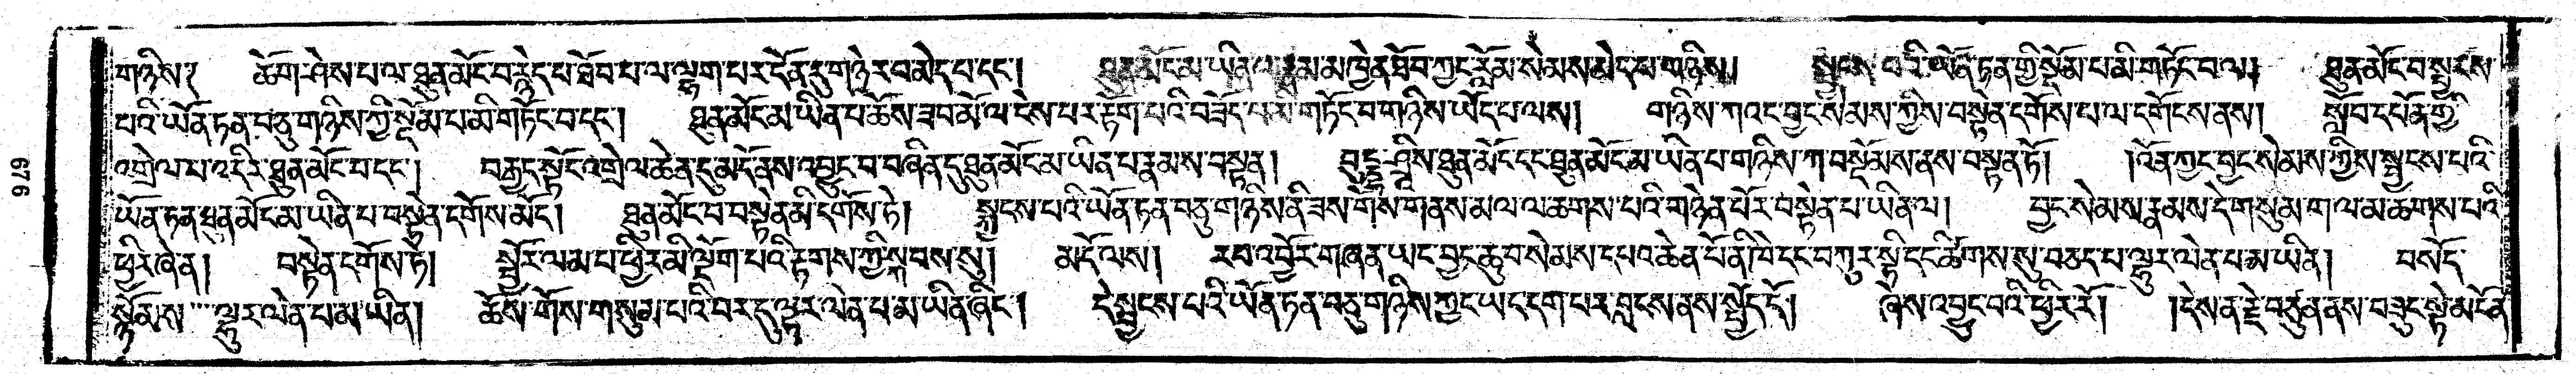གཉིས༑ ཆོག་ཤེས་པ་ལ་ཐུན་མོང་བ་རྙེད་པ་ཐོབ་པ་ལ་ལྷག་པར་དོན་དུ་གཉེར་བ་མེད་པ་དང་། ཐུན་མོང་མ་ཡིན་ལ་རྣམ་མཁྱེན་ཐོབ་ཀྱང་རློམ་སེམས་མེད་པ་གཉིས། སྦྱངས་པའི་ཡོན་ཏན་གྱི་སྡོམ་པ་མི་གཏོང་བ་ལ། ཐུན་མོང་བ་སྦྱངས་
པའི་ཡོན་ཏན་བཅུ་གཉིས་ཀྱི་སྡོམ་པ་མི་གཏོང་བ་དང་། ཐུན་མོང་མ་ཡིན་པ་ཆོས་ཟབ་མོ་ལ་ངེས་པར་རྟོག་པའི་བཟོད་པ་མི་གཏོང་བ་གཉིས་ཡོད་པ་ལས། གཉིས་ཀའང་བྱང་སེམས་ཀྱིས་བསྟེན་དགོས་པ་ལ་དགོངས་ནས། སློབ་དཔོན་གྱི་
འགྲེལ་པ་འདིར་ཐུན་མོང་བ་དང་། བརྒྱད་སྟོང་འགྲེལ་ཆེན་དུ་མདོ་ནས་འབྱུང་བ་བཞིན་དུ་ཐུན་མོང་མ་ཡིན་པ་རྣམས་བསྟན། བུདྡྷ་ཤྲཱི་ས་ཐུན་མོང་དང་ཐུན་མོང་མ་ཡིན་པ་གཉིས་ཀ་བསྡོམས་ནས་བསྟན་ཏོ། །འོན་ཀྱང་བྱང་སེམས་ཀྱིས་སྦྱངས་པའི་
ཡོན་ཏན་ཐུན་མོང་མ་ཡིན་པ་བསྟེན་དགོས་མོད། ཐུན་མོང་པ་བསྟེན་མི་དགོས་ཏེ། སྐྱངས་པའི་ཡོན་ཏན་བཅུ་གཉིས་ནི་ཟས་གོས་གནས་མལ་ལ་ཆགས་པའི་གཉེན་པོར་བསྟེན་པ་ཡིན་ལ། བྱང་སེམས་རྣམས་དེ་གསུམ་གལ་མ་ཆགས་པའི་
ཕྱིར་ཞེ་ན། བསྟེན་དགོས་ཏེ། སྦྱོར་ལམ་པ་ཕྱིར་མི་ལྡོག་པའི་རྟགས་ཀྱི་སྐབས་སུ། མདོ་ལས། རབ་འབྱོར་གཞན་ཡང་བྱང་ཆུབ་སེམས་དཔའ་ཆེན་པོ་ནི་ཁེ་དང་བཀུར་སྟི་དང་ཚིགས་སུ་བཅད་པ་ལྷུར་ལེན་པ་མ་ཡིན། བསོད་
སྙོམས་ལྷུར་ལེན་པ་མ་ཡིན། ཆོས་གོས་གསུམ་པའི་བར་དུ་ལྟར་ལེན་པ་མ་ཡིན་ཞིང་། དེ་སྦྱངས་པའི་ཡོན་ཏན་བཅུ་གཉིས་ཀྱང་ཡང་དག་པར་བླངས་ནས་སྤྱོད་དོ། ཞེས་འབྱུང་བའི་ཕྱིར་རོ། །དེས་ན་རྗེ་བཙུན་ནས་བཟུང་སྟེ་མངོན་